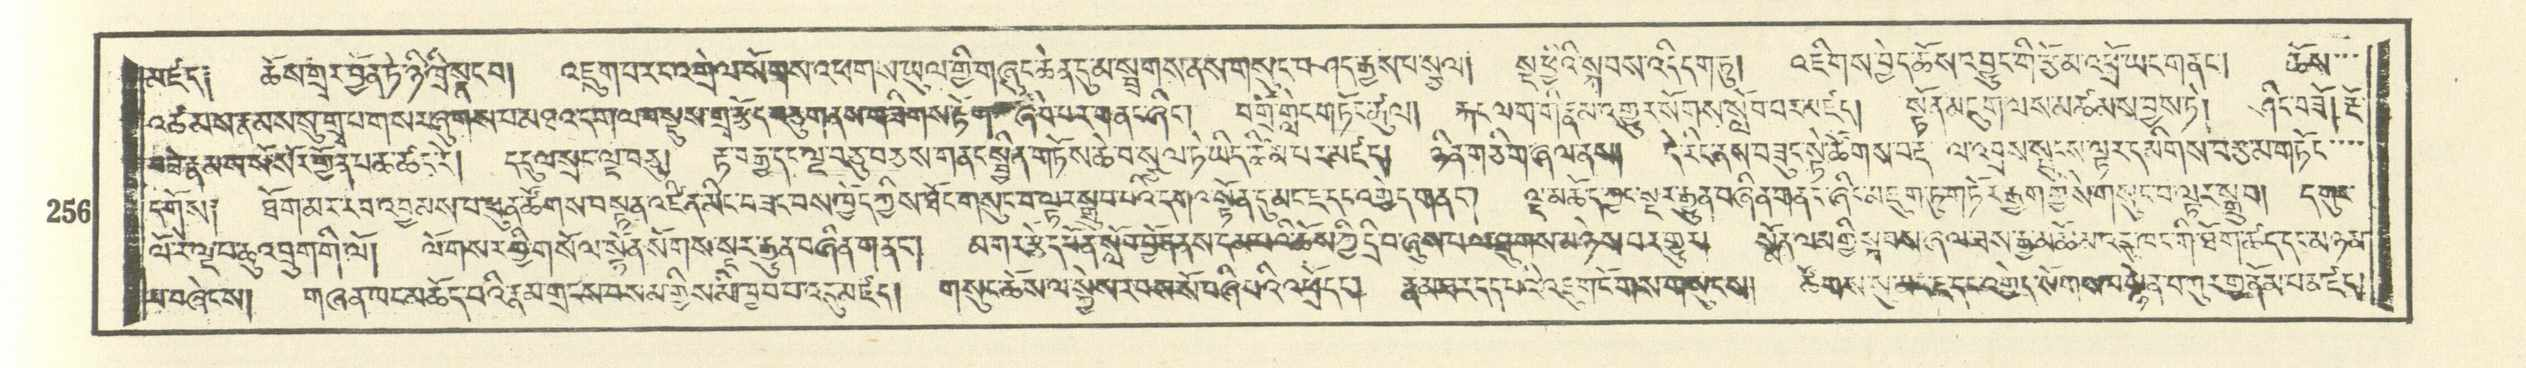མཛད༑ ཆོས་གྲྭར་བྱོན་ཏེ་ཉི་ཁྲི་སྣང་བ། འཇུག་པ་རང་འགྲེལ་སོགས་འཕགས་ཡུལ་གྱི་གཞུང་ཆེན་དུ་མ་སྦྲགས་ནས་གསུང་བཤད་རྒྱས་པ་སྩལ། སྔ་ཕྱིའི་སྐབས་འདི་དག་ཏུ། འཇིགས་བྱེད་ཆོས་འབྱུང་གི་རྩོམ་འཕྲོ་ཡང་གནང་། ཆོས་
འཚམས་རྣམས་སུ་གྲྭ་པ་གསར་ཞུགས་པ་མཐའ་དག་ལ་བསྡུས་གྲྭ་རྩོད་བཅུ་གནས་གཟིགས་རྟོག་ཞིབ་པར་གནང་ཞིང་། བགྲོ་གླེང་གཏོང་ཚུལ། རྐང་ལག་གི་རྣམ་འགྱུར་སོགས་སློབ་པར་མཛད། སྟོན་མཇུག་ལས་མཚམས་བྱས་ཏེ། ཤིང་བཟོ། རྔོ་
བཟེ་རྣམས་སོ་སོར་གྱོན་པ་ཆ་ཚང་རེ། དངུལ་སྲང་ལྔ་བཅུ། རྟ་བརྒྱ་དང་ལྔ་བཅུ་བཅས་གནང་སྦྱིན་གཏོས་ཆེ་བ་སྩལ་ཏེ་ཡིད་ཚིམ་པར་མཛད། ཉིན་གཅིག་ཞལ་ནས། དེ་རིང་ནས་བཟུང་སྟེ་ཚོགས་བརྡ་ལ་འབྲས་སྦུངས་ལྟར་དམིགས་བརྩམ་གཏོང་
དགོས༑ ཐོག་མར་རབ་འབྱམས་པ་ཕུན་ཚོགས་བསྟན་འཛིན་མིང་བཟང་པས་ཁྱོད་ཀྱིས་ཐོང་གསུང་བ་ལྟར་སྒྲུབ་པའི་དགའ་སྟོན་དུ་མང་ཇ་དང་འགྱེད་གནང་། ལྔ་མཆོད་ཀྱང་སྔར་རྒྱུན་བཞིན་གནང་ཞིང་མཇུག་ཏུ་གཏོར་རྒྱག་གྱིས་གསུང་བ་ལྟར་སྒྲུབ། དགུང་
ལོ་རེ་ལྔ་པ་ཆུ་འབྲུག་གི་ལོ། ལོ་གསར་གྱི་གསོལ་སྟོན་སོགས་སྔར་རྒྱུན་བཞིན་གནང་། མགར་རྩེ་དཔོན་སློབ་བྱོན་ནས་དམ་པའི་ཆོས་ཀྱི་དྲི་བ་ཞུས་པ་ལ་ཐུགས་མཉེས་པར་གྱུར། སྨོན་ལམ་གྱི་སྐབས་ཞལ་ཟས་རྒྱ་མཚོ་མ་འདུ་ཁང་གི་ཐོག་ཚད་དང་མཉམ་
པ་བཞེངས། གཞན་ཡང་མཆོད་པའི་རྣམ་གྲངས་བསམ་གྱིས་མི་ཁྱབ་པ་འདུ་མཛད། གསུང་ཆོས་ལ་སྐྱེས་རབས་སོ་བཞི་པའི་འཕྲོ་དང་། རྣམ་ཐར་དད་པའི་འཇུག་ངོ་གས་གསུངས། ཚོགས་སུ་མང་ཇ་དང་འགྱེད་སོགས་བསྙེན་བཀུར་གྱ་ནོམ་པ་མཛད།